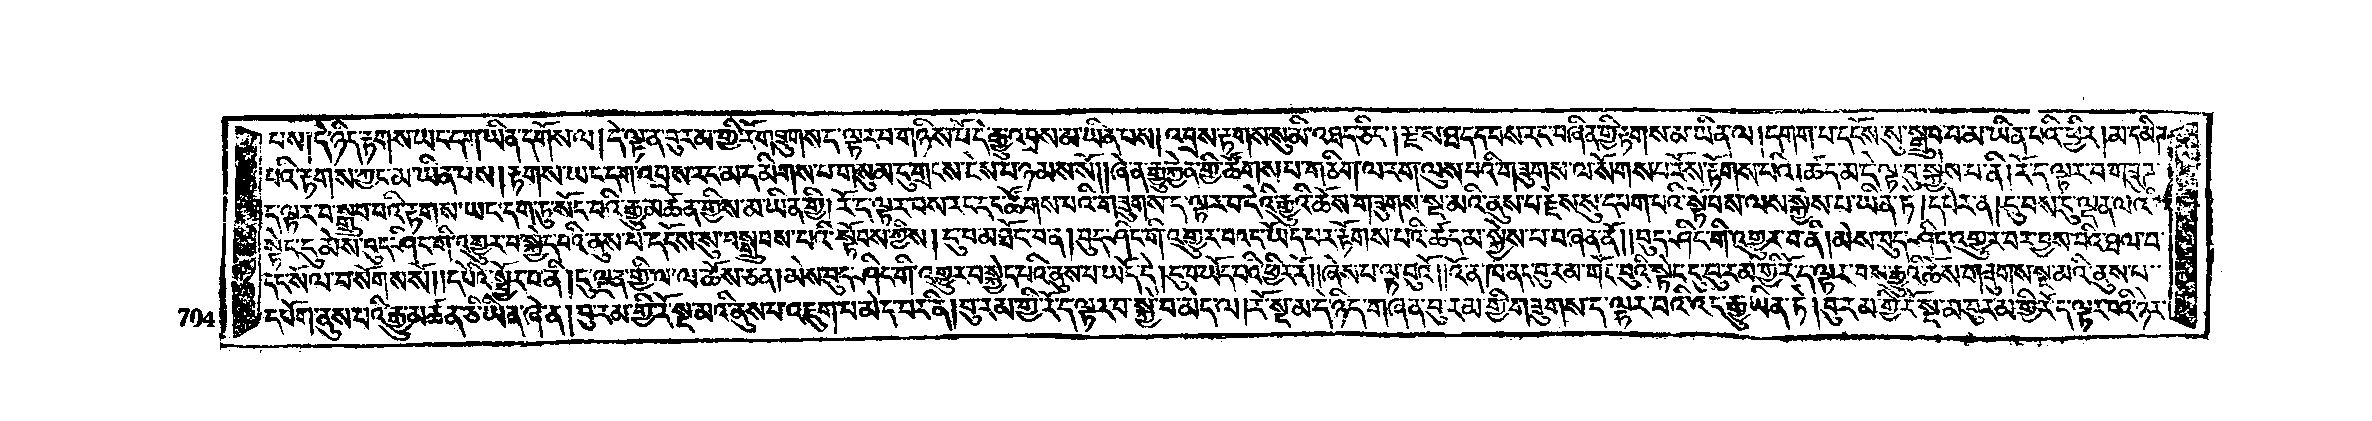པས། དེ་ཉིད་རྟགས་ཡང་དག་ཡིན་དགོས་ལ། དེ་ལྟ་ན་བུ་རམ་གྱི་རོ་གཟུགས་ད་ལྟར་བ་གཉིས་པོ་དེ་རྒྱུ་འབྲས་མ་ཡིན་པས། འབྲས་རྟགས་སུ་མི་འཐད་ཅིང་། རྫས་ཐ་དད་བས་རང་བཞིན་གྱི་རྟགས་མ་ཡིན་ལ། དགག་པ་དངོས་སུ་སྒྲུབ་པ་མ་ཡིན་པའི་ཕྱིར། མ་དམིགས་པའི་རྟགས་ཀྱང་མ་ཡིན་པས། རྟགས་ཡང་དག་འབྲས་རང་མ་དམིགས་པ་གསུམ་དུ་གྲངས་ངེས་པ་ཉམས་སོ། །ཞེ་ན། རྒྱུ་རྐྱེན་གྱི་ཚོགས་པ་གཅིག་ལ་རག་ལུས་པའི་གཟུགས་ལ་སོགས་པ་རོས་རྟོགས་པའི་ཚད་མ་དེ་ལྟ་བུ་སྐྱེས་པ་ནི། རོ་ད་ལྟར་བ་གཟུགས་
ད་ལྟར་བ་སྒྲུབ་པའི་རྟགས་ཡང་དག་ཏུ་སོང་བའི་རྒྱུ་མཚན་གྱིས་མ་ཡིན་གྱི། རོ་ད་ལྟར་བས་རང་དང་ཚོགས་པའི་གཟུགས་ད་ལྟར་བ་དེའི་རྒྱུའི་ཆོས་གཟུགས་སྔ་མའི་ནུས་པ་རྗེས་སུ་དཔག་པའི་སྟོབས་ལས་སྐྱེས་པ་ཡིན་ཏེ། དཔེར་ན། དུ་བས་དུ་ལྡན་ལའི་
སྟེང་དུ་མེས་བུད་ཤིང་གི་འགྱུར་བ་སྐྱེད་པའི་ནུས་པ་དངོས་སུ་བསྒྲུབས་པའི་སྟོབས་ཀྱིས། དུ་བ་མཐོང་བ་ན། བུད་ཤིང་གི་འགྱུར་བའང་ཡོད་པར་རྟོགས་པའི་ཚད་མ་སྐྱེས་པ་བཞན་ནོ། །བུད་ཤིང་གི་འགྱུར་བ་ནི། མེས་བུད་ཤིང་འགྱུར་བར་བྱས་བའི་ཐལ་བ་
དང་སོལ་བ་སོགས་སོ། །དཔེའི་སྦྱོར་བ་ནི། དུ་ལྡན་གྱི་ལ་ལ་ཆོས་ཅན། མེས་བུད་ཤིང་གི་འགྱུར་བ་སྐྱེད་པའི་ནུས་པ་ཡོད་དེ། དུ་བ་ཡོད་པའི་ཕྱིར་རོ། །ཞེས་པ་ལྟ་བུའོ། །འོ་ན་ཁ་ནང་བུ་རམ་གོང་བུའི་སྟེང་དུ་བུ་རམ་གྱི་རོ་ད་ལྟར་བས་རྒྱུའི་ཆོས་གཟུགས་སྔ་མའི་ནུས་པ་
དཔོག་ནུས་པའི་རྒྱུ་མཚན་ཅི་ཡིན་ཞེ་ན། བུ་རམ་གྱི་རོ་སྔ་མའི་ནུས་པ་འཇུག་པ་མེད་པར་ནི། བུ་རམ་གྱི་རོ་ད་ལྟར་བ་སྐྱེ་བ་མེད་ལ། རོ་སྔ་མ་དེ་ཉིད་གཞན་བུ་རམ་གྱི་གཟུགས་ད་ལྟར་བའི་འང་རྒྱུ་ཡིན་ཏེ། བུ་རམ་གྱི་རོ་སྔ་མ་བུ་རམ་གྱི་རོ་ད་ལྟར་བའི་ཉེར་